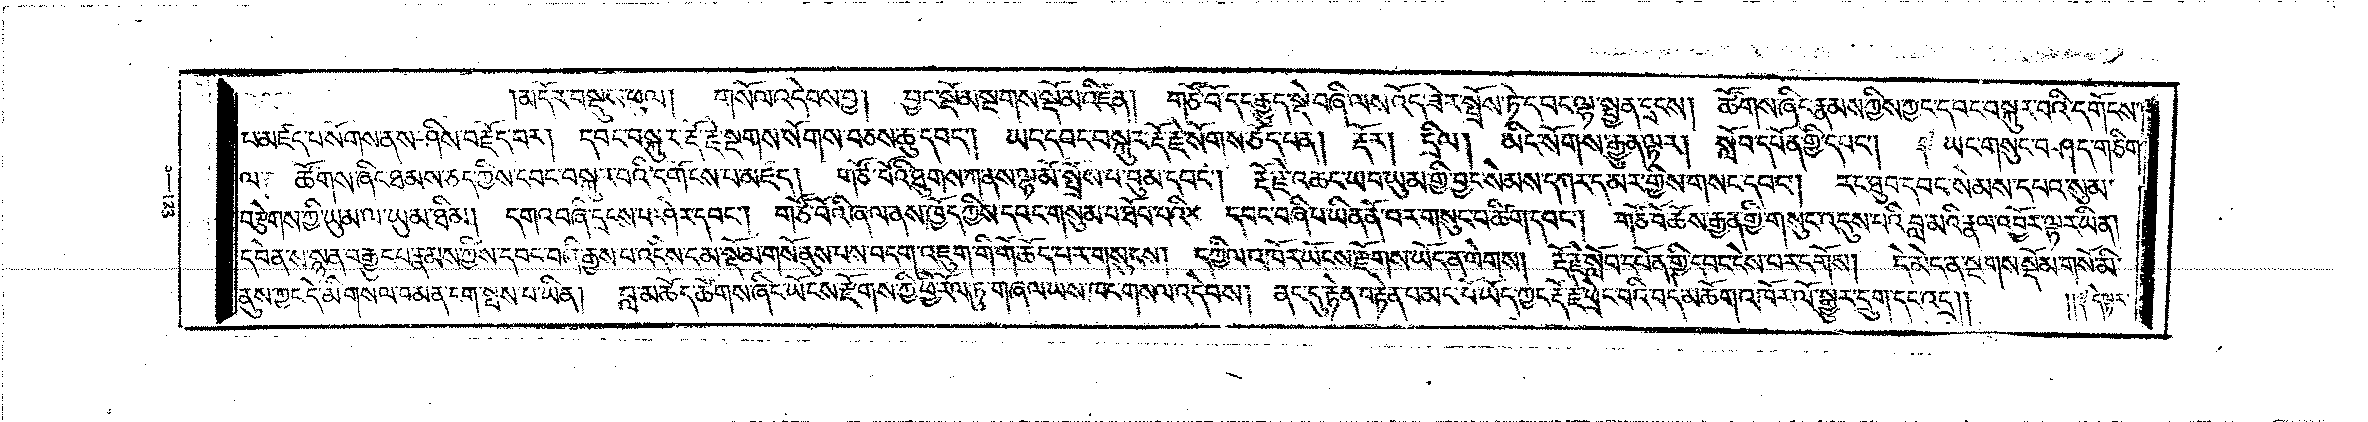༄༅། །མདོར་བསྡུས་ཕུལ། གསོལ་འདེབས་བྱ། བྱང་སྡོམ་སྔགས་སྡོམ་འཛིན། གཙོ་བོ་དང་རྒྱུད་སྡེ་བཞི་ལས་འོད་ཟེར་སྤྲོས་ཏེ་དབང་ལྷ་སྤྱན་དྲངས། ཚོགས་ཞིང་རྣམས་ཀྱིས་ཀྱང་དབང་བསྐུར་བའི་དགོངས་
པ་མཛད་པ་སོགས་ནས་ཤིས་བརྗོད་བར། དབང་བསྐུར་རྡོ་རྗེ་སྔགས་སོགས་བཅས་ཆུ་དབང་། ཡང་དབང་བསྐུར་རྡོ་རྗེ་སོགས་ཅོད་པ་ན། རྡོར། དྲིལ། མིང་སོགས་རྒྱུན་ལྟར། སློབ་དཔོན་གྱི་དབང་། ༈ ཡང་གསུང་བཤད་གཅིག་
ལ༑ ཚོགས་ཞིང་ཐམས་ཅད་ཀྱིས་དབང་བསྐུར་བའི་དགོངས་པ་མཛད། གཙོ་བོའི་ཐུགས་ཀ་ནས་ལྷ་མོ་སྤྲོས་པ་བུམ་དབང་། རྡོ་རྗེ་འཆང་ཡབ་ཡུམ་གྱི་བྱང་སེམས་དཀར་དམར་གྱིས་གསང་དབང་། རང་ཐུབ་དབང་སེམས་དཔའ་སུམ་
བརྩེགས་ཀྱི་ཡུམ་ལ་ཡུམ་ཐིམ། དགའ་བཞི་དྲངས་པ་ཤེར་དབང་། གཙོ་བོའི་ཞལ་ནས་ཁྱོད་ཀྱིས་དབང་གསུམ་པ་ཐོབ་པའི་྾་དབང་བཞི་པ་ཡིན་ནོ་བར་གསུང་བ་ཚིག་དབང་། གཙོ་བོ་ཆོས་རྒྱན་གྱི་གསུང་འདུས་པའི་བླ་མའི་རྣལ་འབྱོར་ལྟར་ཡིན།
དབེན་ས་སྙན་བརྒྱུད་པ་རྣམས་ཀྱིས་དབང་བཞི་རྒྱས་པ་འདིས་དམ་སྡོམ་གསོ་ནུས་པས་བདག་འཇུག་གི་གོ་ཆོད་པར་གསུངས། དཀྱིལ་འཁོར་ཡོངས་རྫོགས་ཡོད་ན་ལེགས། རྡོ་རྗེ་སློབ་དཔོན་གྱི་དབང་ངེས་པར་དགོས། དེ་མེད་ན་སྔགས་སྡོམ་གསོ་མི་
ནུས་ཀྱང་དེ་མི་གསལ་བ་མན་ངག་སྤས་པ་ཡིན། བླ་མཆོད་ཚོགས་ཞིང་ཡོངས་རྫོགས་ཀྱི་ཕྱི་རོལ་ཏུ་གཞལ་ཡས་ཁང་གསལ་འདེབས། ནང་དུ་རྟེན་བརྟེན་པ་མང་པོ་ཡོད་ཀྱང་རྡོ་རྗེ་ཕྲེང་བའི་བདེ་མཆོག་འཁོར་ལོ་སྒྱུར་དྲུག་དང་འདྲ།། །།༈ དེ་ལྟར་